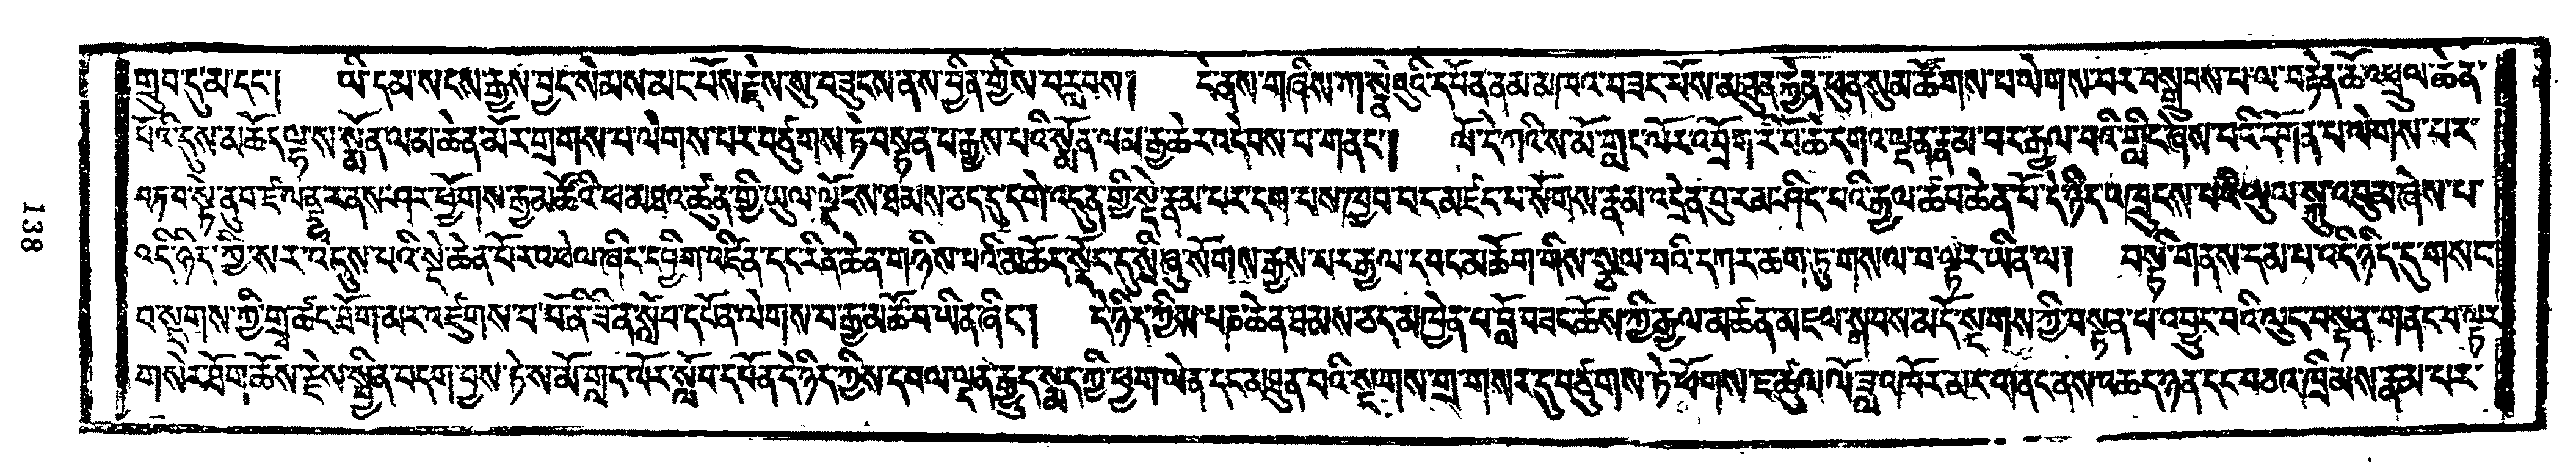གྲུབ་དུ་མ་དང་། ཡི་དམ་སངས་རྒྱས་བྱང་སེམས་མང་པོས་རྗེས་སུ་བཟུངས་ནས་བྱིན་གྱིས་བརླབས། དེ་ནས་གཞིས་ཀ་སྣེའུའི་དཔོན་ནམ་མཁའ་བཟང་པོས་མཐུན་རྐྱེན་ཕུན་སུམ་ཚོགས་པ་ལེགས་པར་བསྒྲུབས་པ་ལ་བརྟེན་ཆོ་འཕྲུལ་ཆེན་
པོའི་དུས་མཆོད་ལྷ་ས་སྨོན་ལམ་ཆེན་མོར་གྲགས་པ་ལེགས་པར་བཙུགས་ཏེ་བསྟན་པ་རྒྱས་པའི་སྨོན་ལམ་རྒྱ་ཆེར་འདེབས་པ་གནང་། ལོ་དེ་ཀའི་ས་མོ་གླང་ལོར་འབྲོག་རི་བོ་ཆེ་དགའ་ལྡན་རྣམ་པར་རྒྱལ་བའི་གླིང་ཞེས་པའི་དགོན་པ་ལེགས་པར་
བཏབ་སྟེ་ནུབ་ཛ་ལནྡྷ་ར་ནས་ཤར་ཕྱོགས་རྒྱ་མཚོའི་ཕ་མཐའ་ཚུན་གྱི་ཡུལ་ལྗོངས་ཐམས་ཅད་དུ་དགེ་འདུན་གྱི་སྡེ་རྣམ་པར་དག་པས་ཁྱབ་བང་མཛད་པ་སོགས་རྣམ་འདྲེན་བུ་རམ་ཤིང་པའི་རྒྱལ་ཚབ་ཆེན་པོ་དེ་ཉིད་འཁྲུངས་པའི་ཡུལ་སྐུ་འབུམ་ཞེས་པ་
འདི་ཉིད་ཀྱི་སར་འདུས་པའི་སྡེ་ཆེན་པོར་འཕེལ་ཞིང་དབྱིག་འཛིན་དང་རིན་ཆེན་གཉིས་པའི་མཆོད་སྡོང་དུ་སྲི་ཞུ་སོགས་རྒྱས་པར་རྒྱལ་དབང་མཆོག་གིས་སྩལ་བའི་དཀར་ཆག་ཏུ་གསལ་བ་ལྟར་ཡིན་ལ། བསྟི་གནས་དམ་པ་འདི་ཉིད་དུ་གསང་
བ་སྔགས་ཀྱི་གྲྭ་ཚང་ཐོག་མར་འཛུགས་པ་པོ་ནི་ཟི་ན་སློབ་དཔོན་ལེགས་པ་རྒྱ་མཚོ་བ་ཡིན་ཞིང་། དེ་ཉིད་ཀྱིས་པཎ་ཆེན་ཐམས་ཅད་མཁྱེན་པ་བློ་བཟང་ཆོས་ཀྱི་རྒྱལ་མཚན་མཇལ་སྐབས་མདོ་སྔགས་ཀྱི་བསྟན་པ་འབྱུང་བའི་ལུང་བསྟན་གནང་བ་ལྟར་
གསེར་ཐོག་ཆོས་རྗེས་སྦྱིན་བདག་བྱས་ཏེ་ས་མོ་གླང་ལོར་སློབ་དཔོན་དེ་ཉིད་ཀྱིས་དཔལ་ལྡན་རྒྱུད་སྨད་ཀྱི་ཕྱག་ལེན་དང་མཐུན་པའི་སྔགས་གྲ་གསར་དུ་བཙུགས་ཏེ་ཕྱོགས་ཇ་ཚུལ་ལོ་ཟླ་འཁོར་མང་གནང་ནས་འཆད་ཉན་དང་བཅའ་ཁྲིམས་རྣམ་པར་